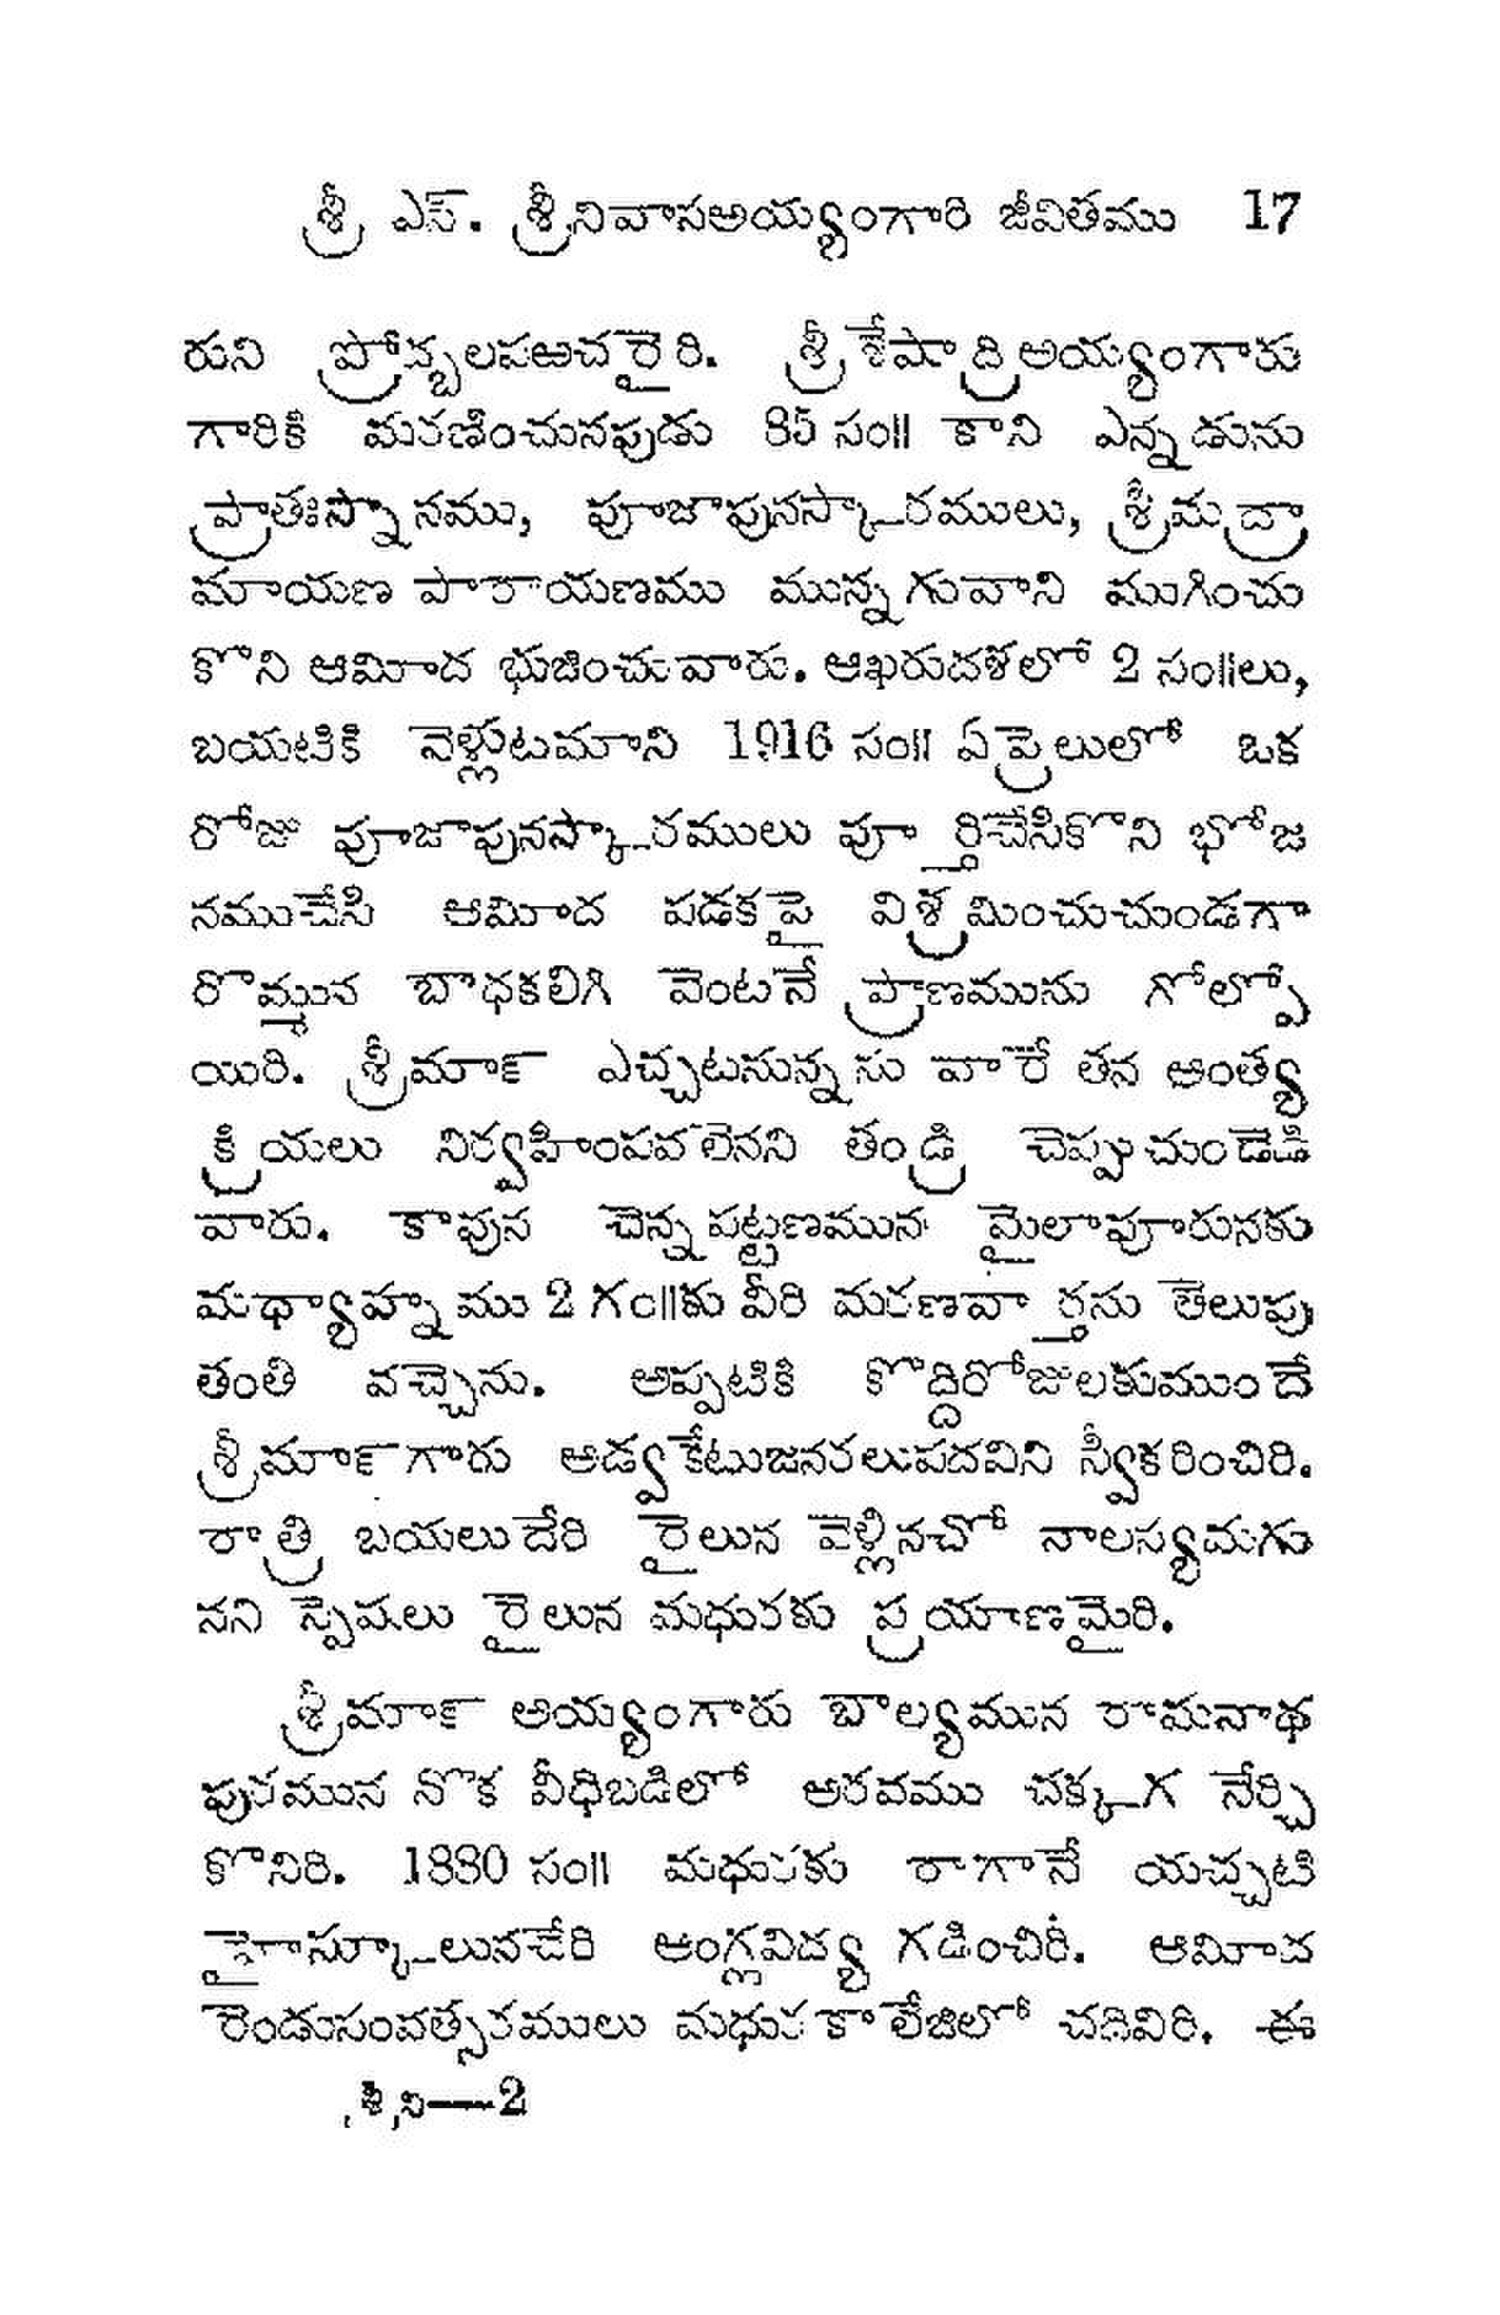రుని ప్రోద్బలపఱచరైరి. శ్రీశేషాద్రిఅయ్యంగారు గారికి మరణించునపుడు 85 సం!! కాని ఎన్నడును ప్రాతఃస్నానము, పూజాపునస్కారములు, శ్రీమద్రామాయణ పారాయణము మున్నగువాని ముగించుకొని ఆమీద భుజించువారు. ఆఖరుదశలో 2 సం||లు, బయటికి వెళ్లుటమాని 1916 సం!! ఏప్రెలులో ఒకరోజు పూజాపునస్కారములు పూర్తిచేసికొని భోజునముచేసి ఆమీద పడకపై విశ్రమించుచుండగా రొమ్మున బాధకలిగి వెంటనే ప్రాణమును గోల్పోయిరి. శ్రీమా౯ ఎచ్చటనున్నను వారే తన అంత్యక్రియలు నిర్వహింపవలెనని తండ్రి చెప్పుచుండెడివారు. కావున చెన్నపట్టణమున మైలాపూరునకు మధ్యాహ్నము 2 గం||కు వీరి మరణవార్తను తెలుపు తంతి వచ్చెను. అప్పటికి కొద్దిరోజులకు ముందే శ్రీమా౯ గారు ఆడ్వకేటుజనరలు పదవిని స్వీకరించిరి. రాత్రి బయలుదేరి రైలున వెళ్లినచో నాలస్యమగునని స్పెషలు రైలున మధురకు ప్రయాణమైరి.

శ్రీమా౯ అయ్యంగారు బాల్యమున రామనాథపురమున నొక వీధిబడిలో అరవము చక్కగ నేర్చికొనిరి. 1880 సం|| మధురకు రాగానే యచ్చటి హైస్కూలునచేరి ఆంగ్లవిద్య గడించిరి. ఆమీద రెండుసంవత్సరములు మధురకాలేజిలో చదివిరి. ఈ